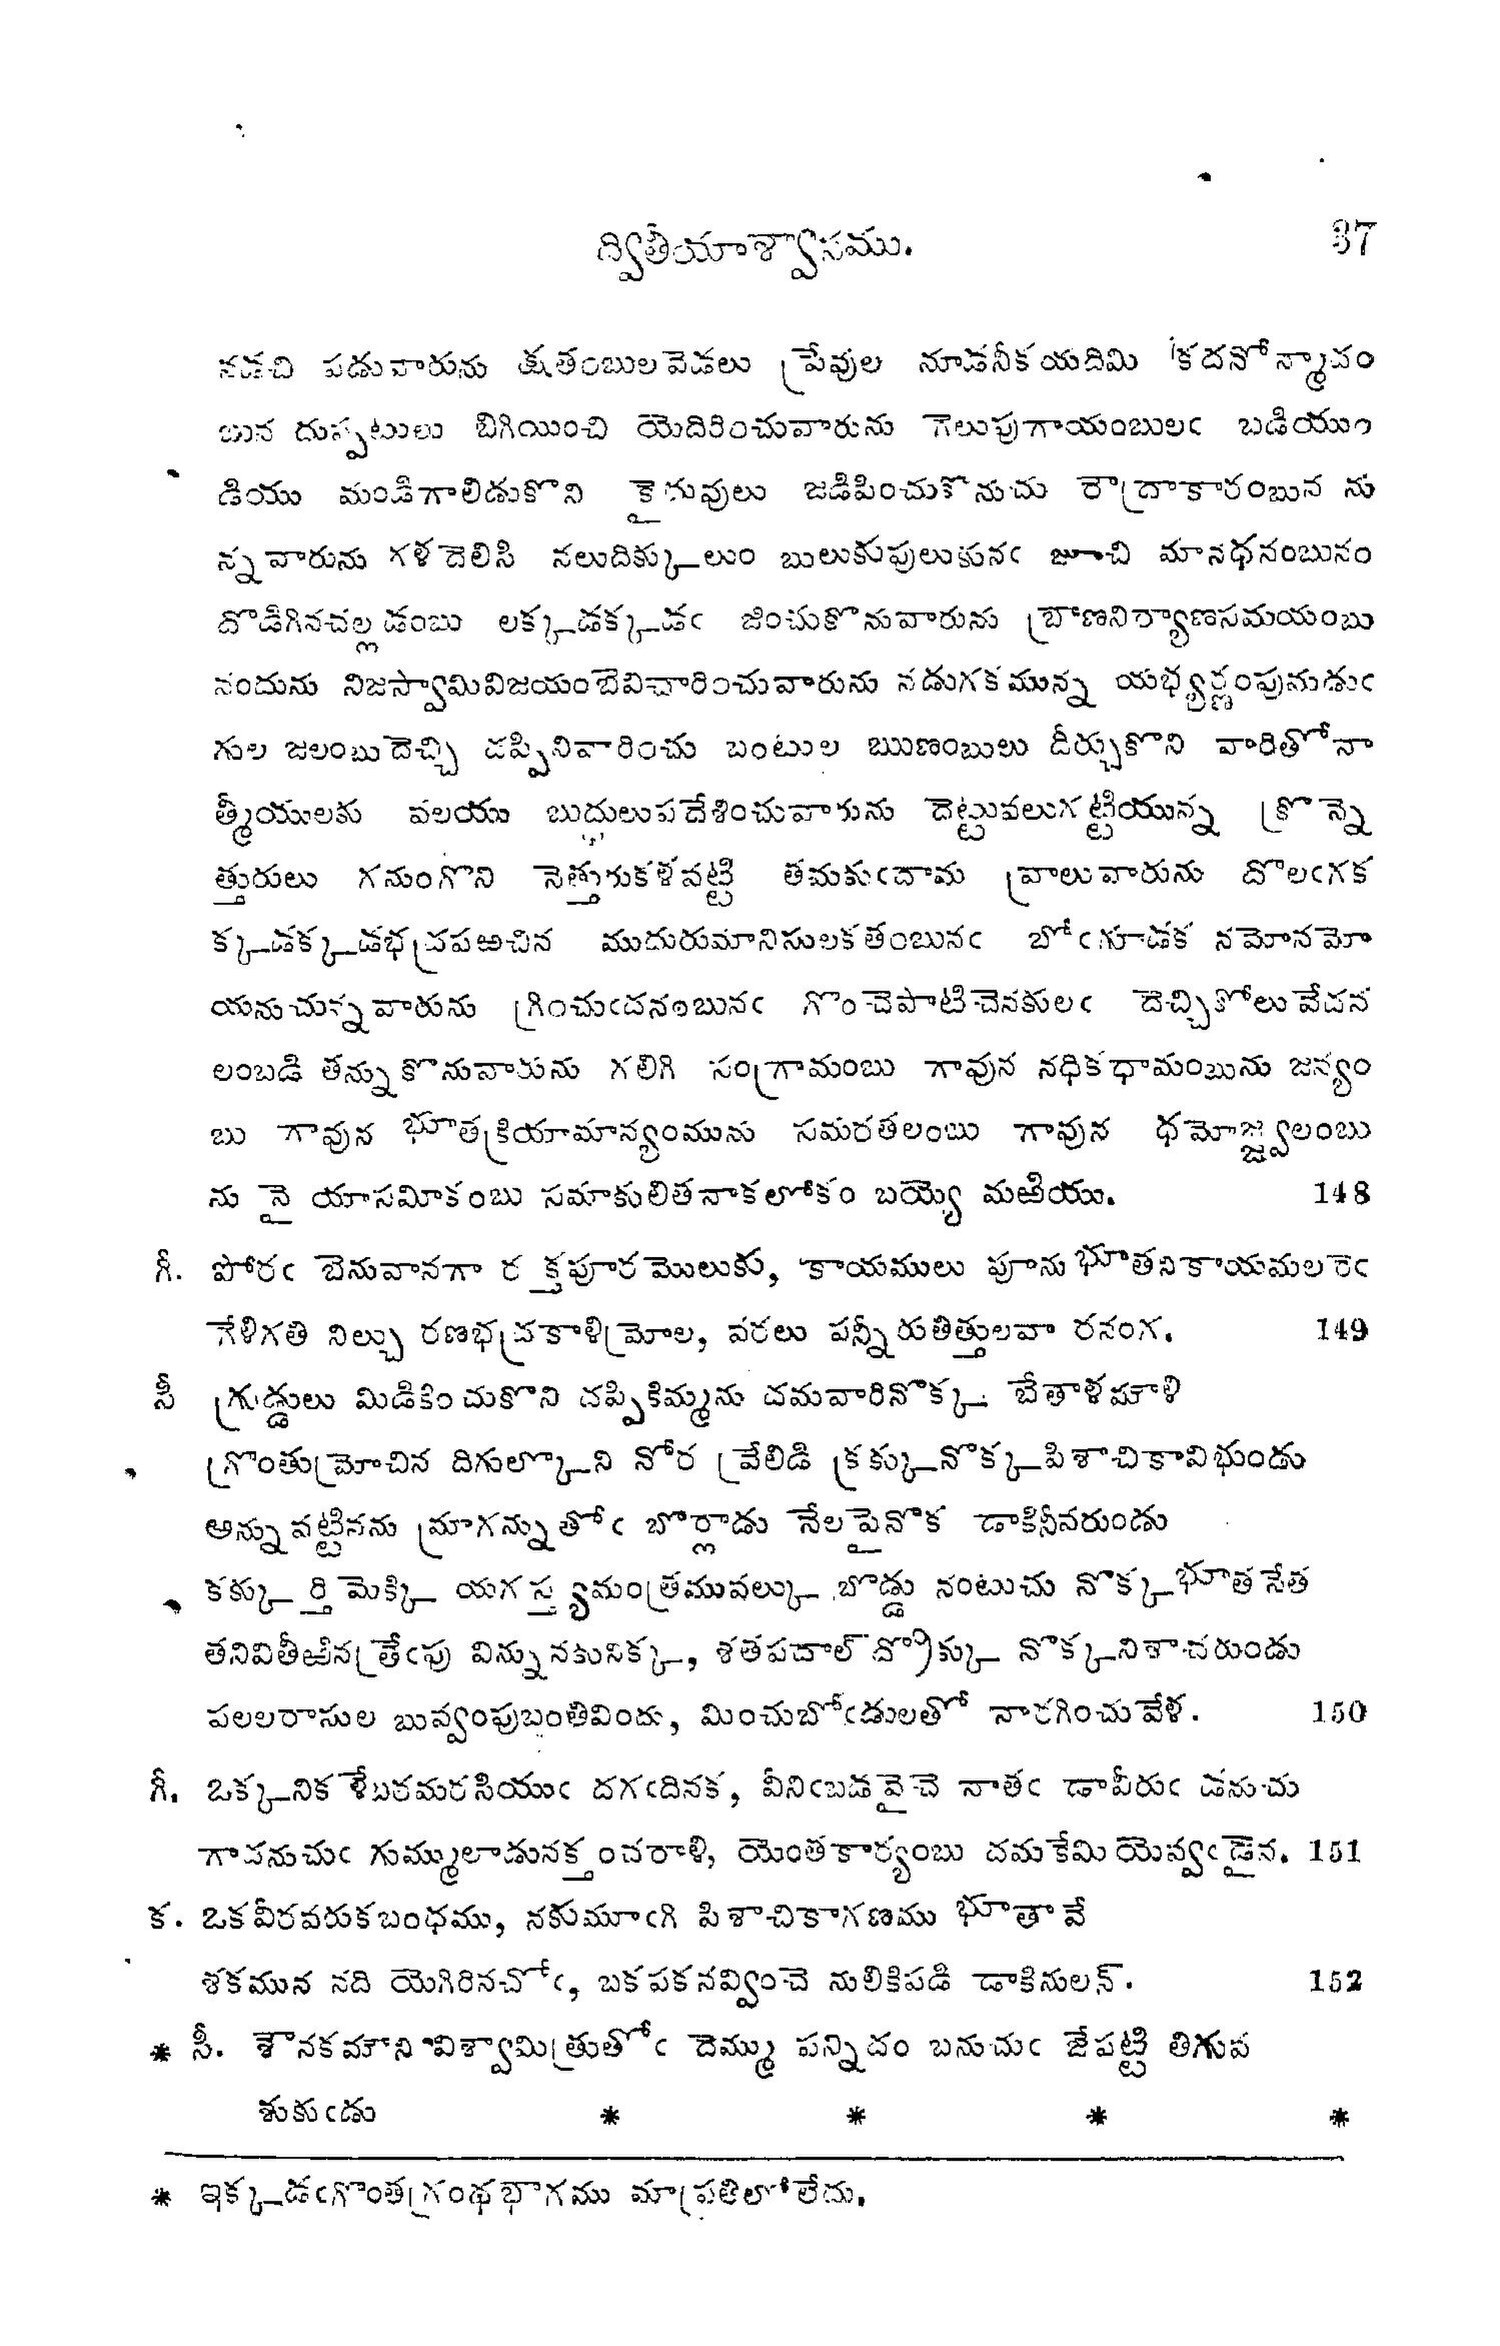నడచి పడువారును క్షతంబుల వెడలు ప్రేవుల నూడనీక యదిమి కదనోన్మాదం
బున దుప్పటులు బిగియించి యెదిరించువారును గెలుపుగాయంబులఁ బడియుం
డియు మండిగాలిడుకొని కైదువులు జడిపించుకొనుచు రౌద్రాకారంబున ను
న్నవారును గళ దెలిసి నలుదిక్కులుం బులుకుపులుకునఁ జూచి మానధనంబునం
దొడిగినచల్లడంబు లక్కడక్కడఁ జించుకొనువారును బ్రాణనిర్యాణసమయంబు
నందును నిజస్వామివిజయంబె విచారించువారును నడుగకమున్న యభ్యర్ణంపుమడుఁ
గుల జలంబు దెచ్చి దప్పి నివారించు బంటుల ఋణంబులు దీర్చుకొని వారితో నా
త్మీయులకు వలయు బుద్ధు లుపదేశించువారును దెట్టువలుగట్టియున్న క్రొన్నె
త్తురులు గనుంగొని నెత్తురుకళవట్టి తమకుఁదామ వ్రాలువారును దొలఁగ క
క్కడక్కడ భద్రపఱచిన ముదురుమానిసులకతంబునఁ బోఁగూడక నమోనమో
యనుచున్నవారును గ్రించుఁదనంబునఁ గొంచెపాటి చెనకులఁ దెచ్చికోలు వేదన
లంబడి తన్నుకొనువారును గలిగి సంగ్రామంబు గావున నధికధామంబును జన్యం
బు గావున భూతక్రియామాన్యంమును సమరతలంబు గావున ధమోజ్జ్వలంబు
ను నై యాసమీకంబు సమాకులితనాకలోకం బయ్యె మఱియు.
గీ. పోరఁ బెనువానగా రక్తపూర మొలుకు, కాయములు పూను భూతనికాయనమలరెఁ
గేళిగతి నిల్చు రణభద్రకాళిమ్రోల, వరలు పన్నీరుతిత్తులవా రనంగ.
సీ. గ్రుడ్డులు మిడికించుకొని దప్పి కిమ్మను దమవారి నొక్కబేతాళమౌళి
గొంతు మ్రోచిన దిగుల్కొని నోర వ్రేలిడి క్రక్కు నొక్కపిశాచికావిభుండు
అన్నువట్టినను మ్రాగన్నుతోఁ బొర్లాడు నేలపై నొకడాకినీవరుండు
కక్కుర్తి మెక్కి యగస్త్యమంత్రము వల్కు బొడ్డు నంటుచు నొక్కభూతనేత
తనివితీఱినత్రేఁపు విన్నునకునిక్క, శతపదాల్ ద్రొక్కు నొక్కనిశాచరుండు
పలలరాసుల బువ్వంపుబంతివిందు, మించుఁబోఁడులతో నారగించువేళ.
గీ. ఒక్కని కళేబర మరసియుఁ దగఁదినక, వీనిఁ బడవైచె నాతఁ డావీరుఁ డనుచు
గా దనుచుఁ గుమ్ములాడునక్తంచరాళి, యెంతకార్యంబు దమ కేమి యెవ్వఁ డైన.
క. ఒకవీరవరుకబంధము, నకు మూఁగి పిశాచికాగణము భూతావే
శకమున నది యెగిరినచోఁ, బకపక నవ్వించె నులికిపడి డాకినులన్.
సీ. శౌనకమౌని విశ్వామిత్రుతోఁ దెమ్ము పన్నిదం బనుచుఁ జేపట్టి తిగువ
శుకుఁడు